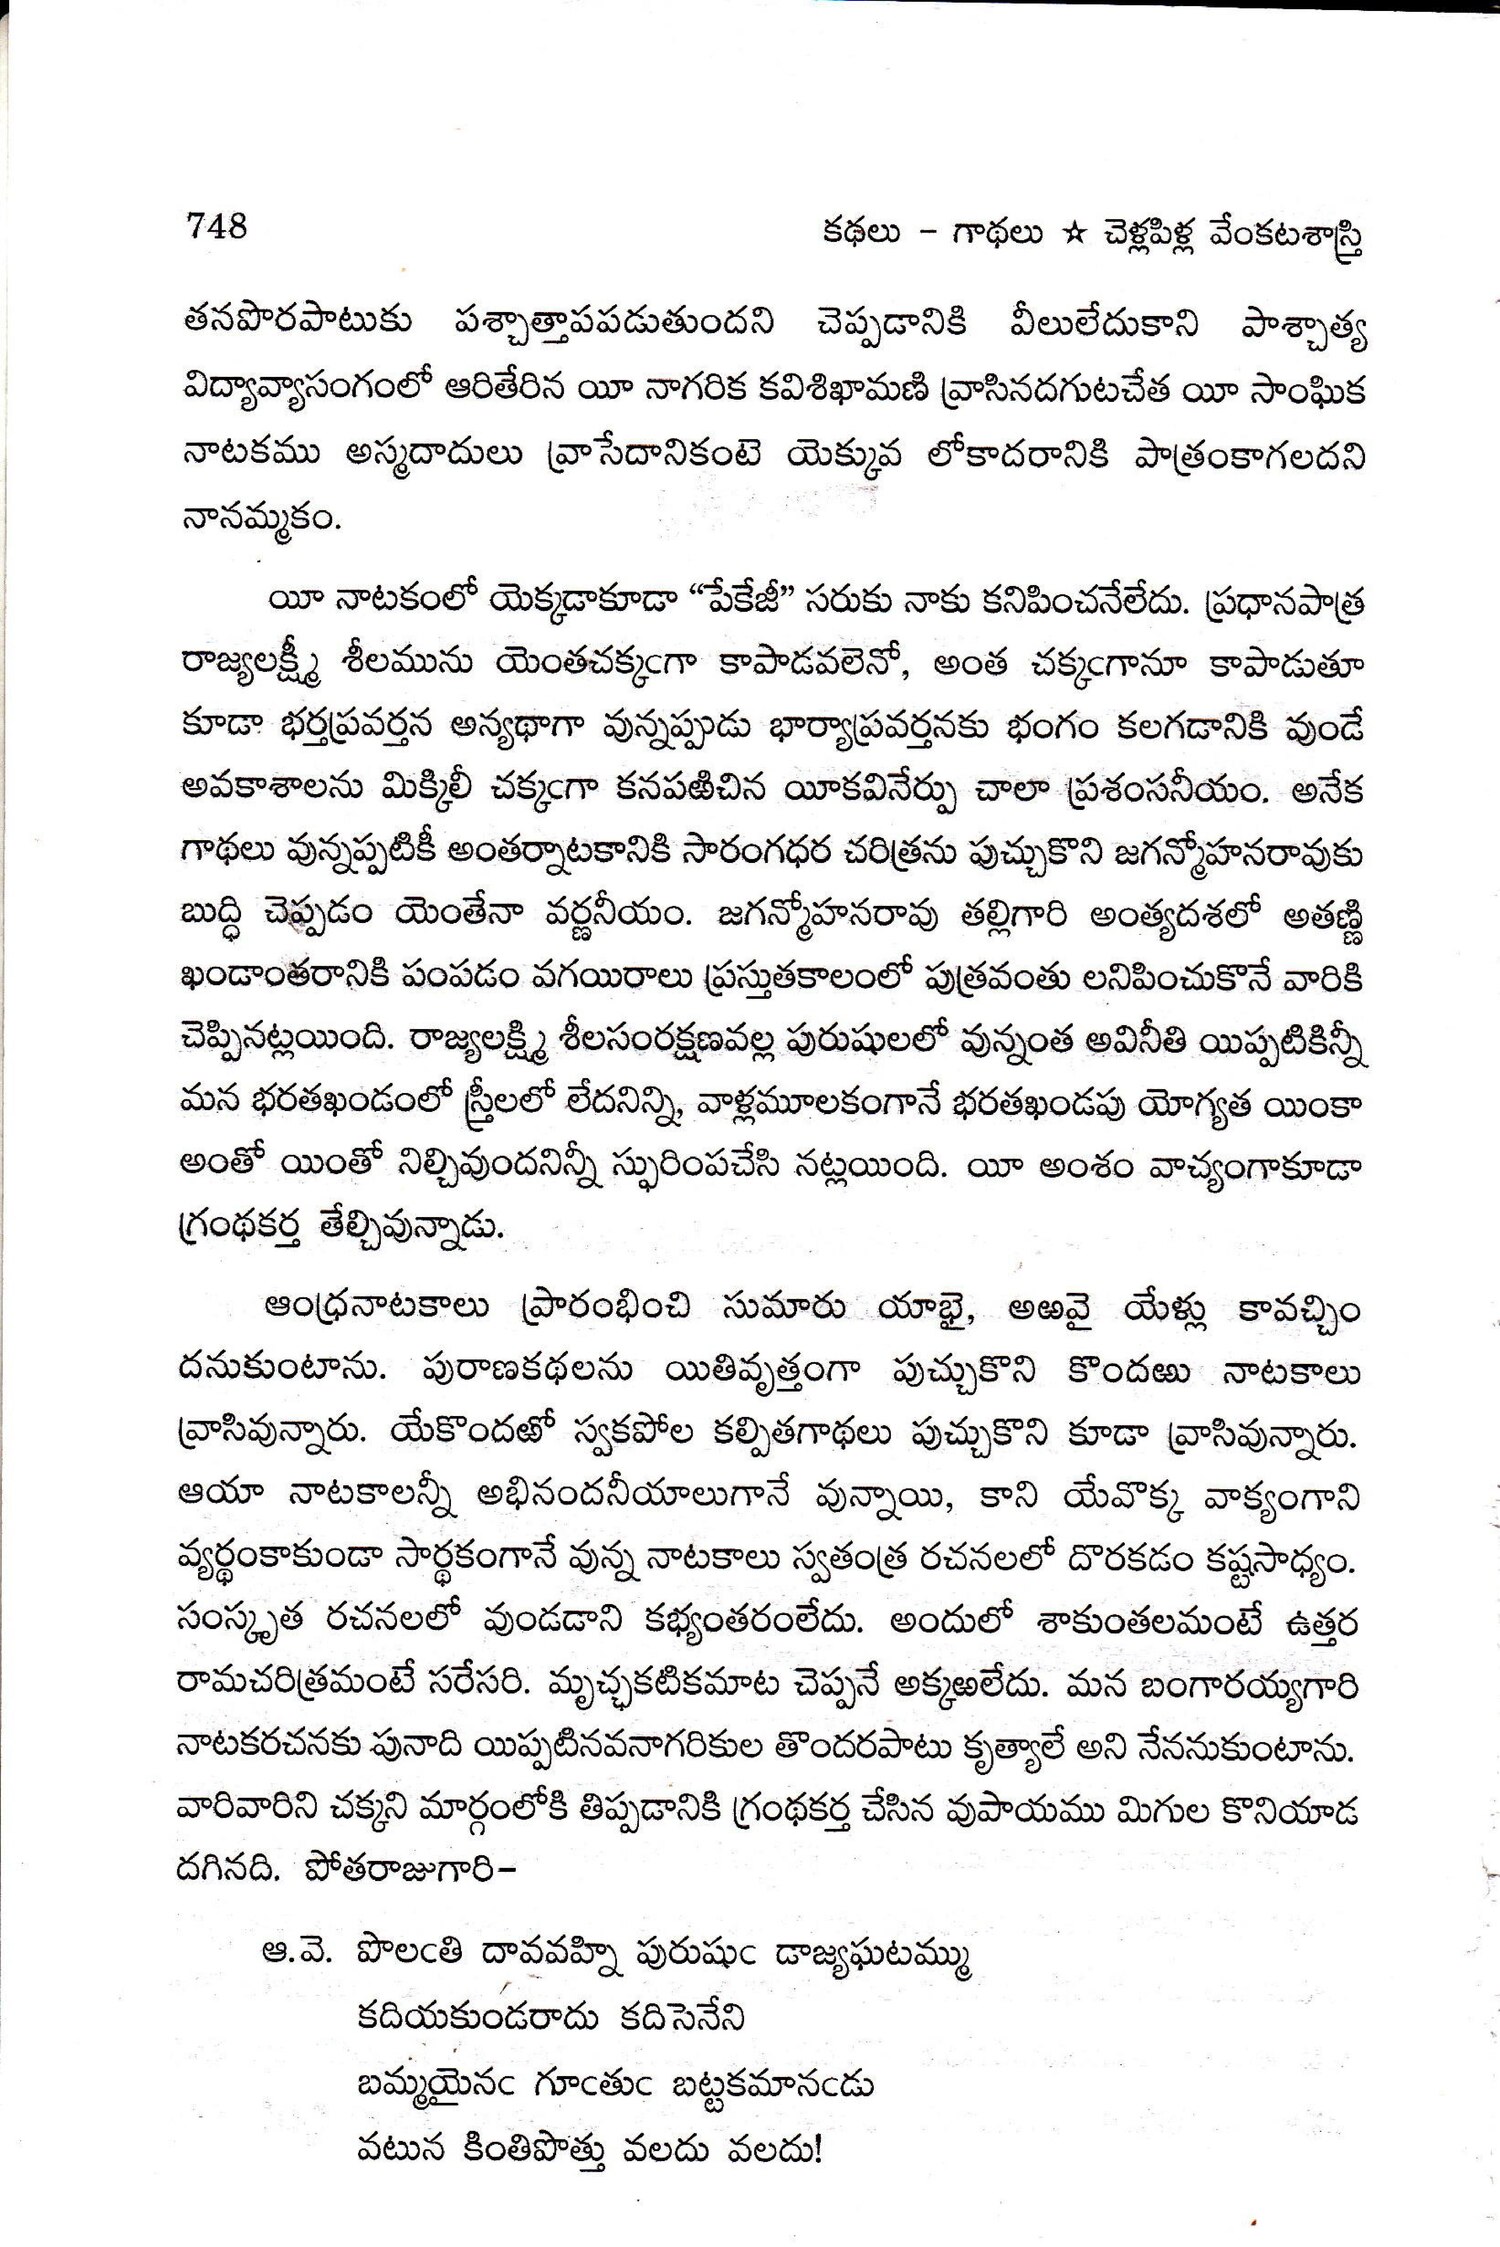తనపొరపాటుకు పశ్చాత్తాపపడుతుందని చెప్పడానికి వీలులేదుకాని పాశ్చాత్య విద్యావ్యాసంగంలో ఆరితేరిన యీ నాగరిక కవిశిఖామణి వ్రాసినదగుటచేత యీ సాంఘిక నాటకము అస్మదాదులు వ్రాసేదానికంటె యెక్కువ లోకాదరానికి పాత్రంకాగలదని నానమ్మకం.

యీ నాటకంలో యెక్కడాకూడా "పేకేజీ" సరుకు నాకు కనిపించనేలేదు. ప్రధానపాత్ర రాజ్యలక్ష్మీ శీలమును యెంతచక్కఁగా కాపాడవలెనో, అంత చక్కఁగానూ కాపాడుతూ కూడా భర్తప్రవర్తన అన్యథాగా వున్నప్పుడు భార్యాప్రవర్తనకు భంగం కలగడానికి వుండే అవకాశాలను మిక్కిలీ చక్కఁగా కనపఱిచిన యీకవినేర్పు చాలా ప్రశంసనీయం. అనేక గాథలు వున్నప్పటికీ అంతర్నాటకానికి సారంగధర చరిత్రను పుచ్చుకొని జగన్మోహనరావుకు బుద్ధి చెప్పడం యెంతేనా వర్ణనీయం. జగన్మోహనరావు తల్లిగారి అంత్యదశలో అతణ్ణి ఖండాంతరానికి పంపడం వగయిరాలు ప్రస్తుతకాలంలో పుత్రవంతు లనిపించుకొనే వారికి చెప్పినట్లయింది. రాజ్యలక్ష్మి శీలసంరక్షణవల్ల పురుషులలో వున్నంత అవినీతి యిప్పటికిన్నీ మన భరతఖండంలో స్త్రీలలో లేదనిన్ని వాళ్లమూలకంగానే భరతఖండపు యోగ్యత యింకా అంతో యింతో నిల్చివుందనిన్నీ స్ఫురింపచేసి నట్లయింది. యీ అంశం వాచ్యంగాకూడా గ్రంథకర్త తేల్చివున్నాడు.

ఆంధ్రనాటకాలు ప్రారంభించి సుమారు యాభై, అఱవై యేళ్లు కావచ్చిం దనుకుంటాను. పురాణకథలను యితివృత్తంగా పుచ్చుకొని కొందఱు నాటకాలు వ్రాసివున్నారు. యేకొందఱో స్వకపోల కల్పితగాథలు పుచ్చుకొని కూడా వ్రాసివున్నారు. ఆయా నాటకాలన్నీ అభినందనీయాలుగానే వున్నాయి, కాని యేవొక్క వాక్యంగాని వ్యర్థంకాకుండా సార్థకంగానే వున్న నాటకాలు స్వతంత్ర రచనలలో దొరకడం కష్టసాధ్యం. సంస్కృత రచనలలో వుండడాని కభ్యంతరంలేదు. అందులో శాకుంతలమంటే ఉత్తర రామచరిత్రమంటే సరేసరి. మృచ్ఛకటికమాట చెప్పనే అక్కఱలేదు. మన బంగారయ్యగారి నాటకరచనకు పునాది యిప్పటినవనాగరికుల తొందరపాటు కృత్యాలే అని నేననుకుంటాను. వారివారిని చక్కని మార్గంలోకి తిప్పడానికి గ్రంథకర్త చేసిన వుపాయము మిగుల కొనియాడ దగినది. పోతరాజుగారి-

ఆ. వె. పొలఁతి దావవహ్ని పురుషుఁ డాజ్యఘటమ్ను 
 కదియకుండరాదు కదిసెనేని 
 బమ్మయైనఁ గూఁతుఁ బట్టకమానఁడు 
 వటున కింతిపొత్తు వలదు వలదు!